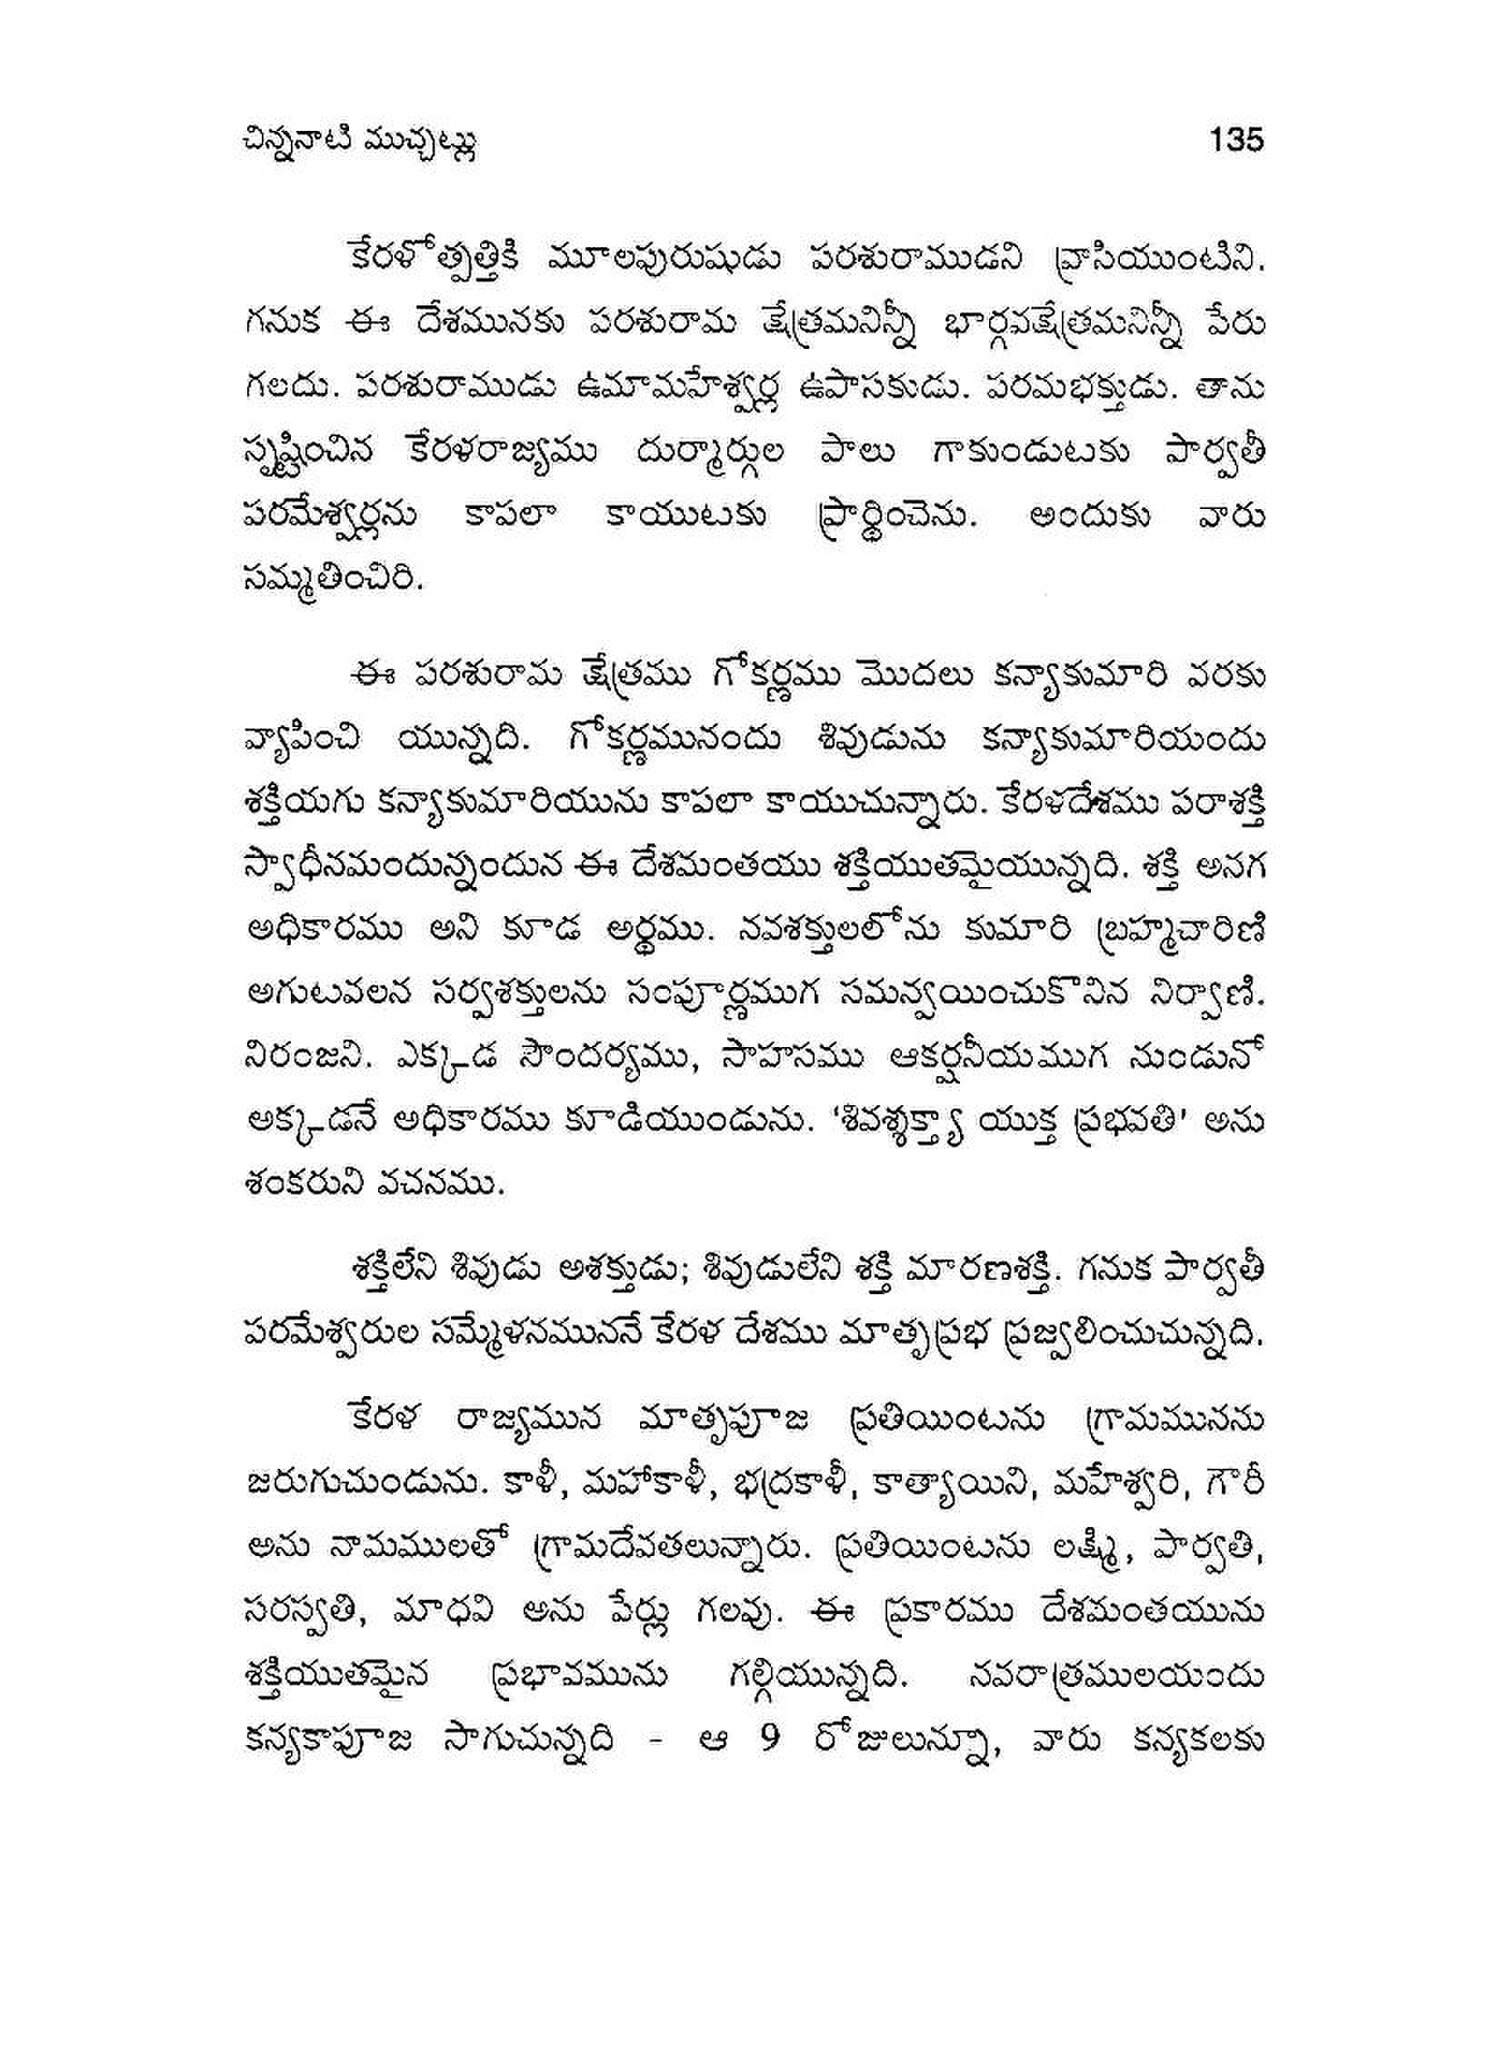కేరళోత్పత్తికి మూలపురుషుడు పరశురాముడని వ్రాసియుంటిని. గనుక ఈ దేశమునకు పరశురామ క్షేత్రమనిన్నీ భార్గవక్షేత్రమనిన్నీ పేరు గలదు. పరశురాముడు ఉమామహేశ్వర్ల ఉపాసకుడు. పరమభక్తుడు. తాను సృష్టించిన కేరళరాజ్యము దుర్మార్గుల పాలు గాకుండుటకు పార్వతీ పరమేశ్వర్లను కాపలా కాయుటకు ప్రార్థించెను. అందుకు వారు సమ్మతించిరి.

ఈ పరశురామ క్షేత్రము గోకర్ణము మొదలు కన్యాకుమారి వరకు వ్యాపించి యున్నది. గోకర్ణమునందు శివుడును కన్యాకుమారియందు శక్తియగు కన్యాకుమారియను కాపలా కాయుచున్నారు. కేరళదేశము పరాశక్తి స్వాధీనమందున్నందున ఈ దేశమంతయు శక్తియుతమైయున్నది. శక్తి అనగ అధికారము అని కూడ అర్థము. నవశక్తులలోను కుమారి బ్రహ్మచారిణి అగుటవలన సర్వశక్తులను సంపూర్ణముగ సమన్వయించుకొనిన నిర్వాణి. నిరంజని. ఎక్కడ సౌందర్యము, సాహసము ఆకర్షనీయముగ నుండునో అక్కడనే అధికారము కూడియుండును. 'శివశక్త్యా యుక్త ప్రభవతి' అను శంకరుని వచనము.

శక్తిలేని శివుడు అశక్తుడు; శివుడులేని శక్తి మారణశక్తి. గనుక పార్వతీ పరమేశ్వరుల సమ్మేళనముననే కేరళదేశము మాతృప్రభ ప్రజ్వలించుచున్నది.

కేరళ రాజ్యమున మాతృపూజ ప్రతియింటను గ్రామమునను జరుగుచుండును. కాళీ, మహాకాళీ, భద్రకాళీ, కాత్యాయిని, మహేశ్వరి, గౌరీ అను నామములతో గ్రామదేవతలున్నారు. ప్రతియింటను లక్ష్మీ, పార్వతి, సరస్వతి, మాధవి అను పేర్లు గలవు. ఈ ప్రకారము దేశమంతయును శక్తియుతమైన ప్రభావమును గల్గియున్నది. నవరాత్రములయందు కన్యకాపూజ సాగుచున్నది - ఆ 9 రోజులున్నూ, వారు కన్యకలకు